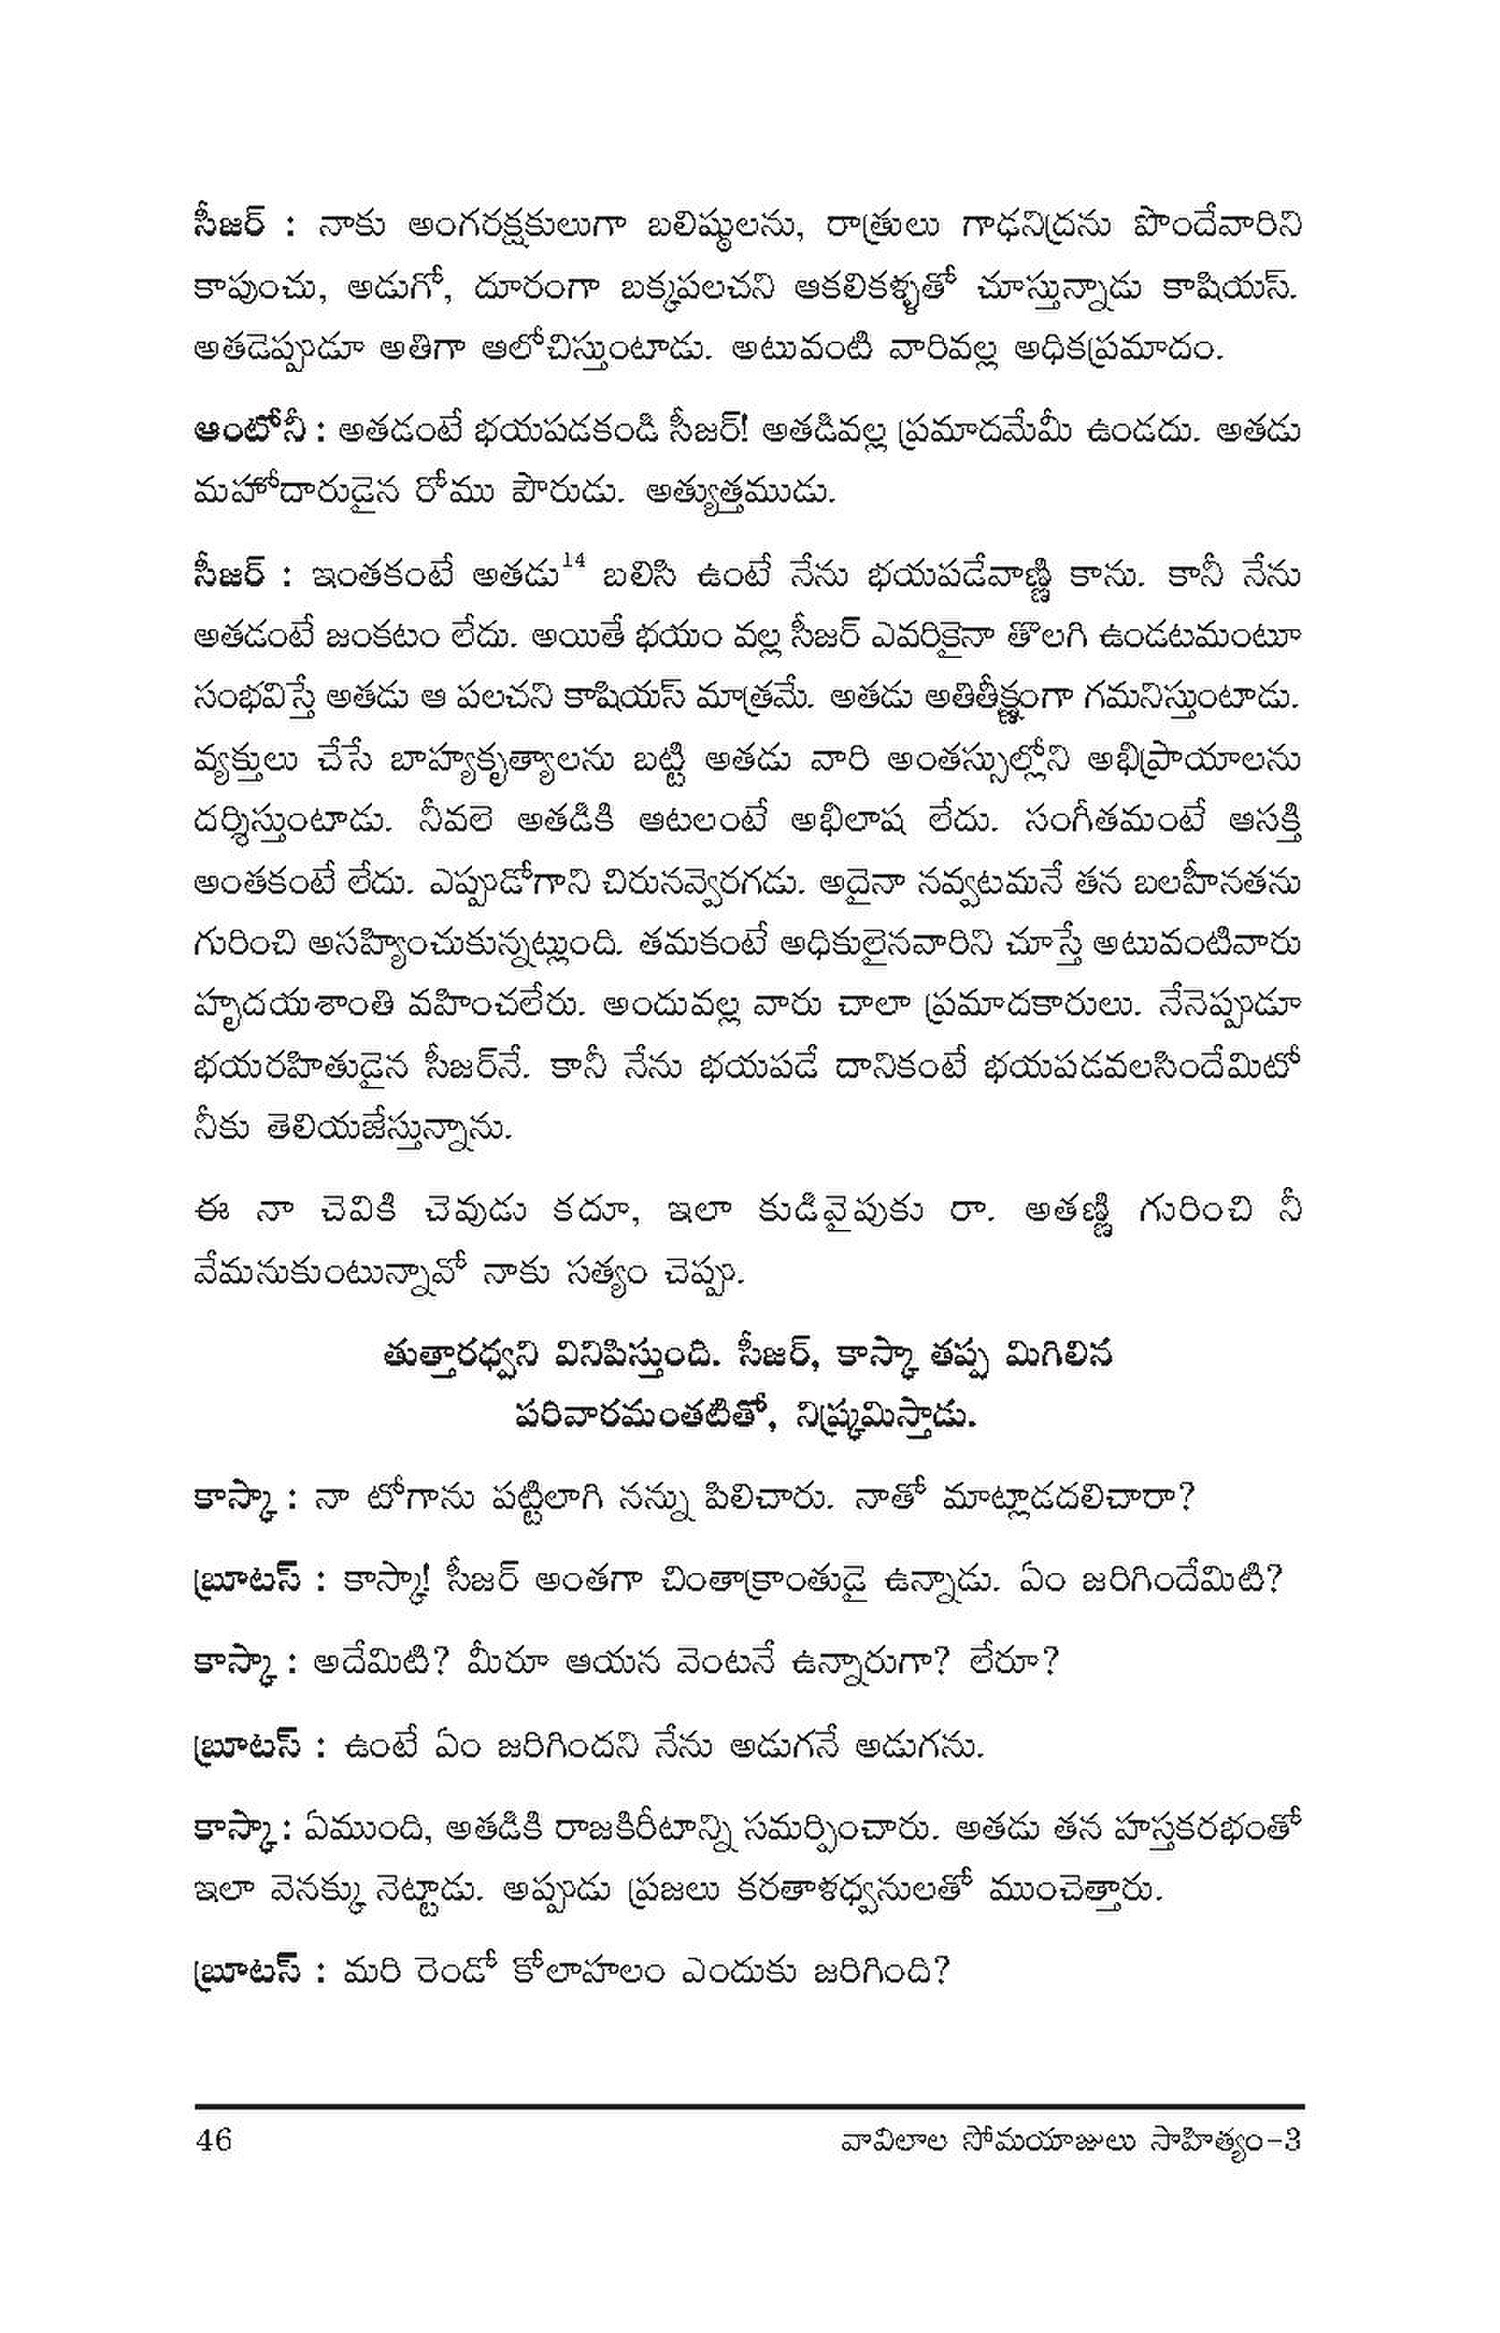సీజర్ : నాకు అంగరక్షకులుగా బలిష్ఠులను, రాత్రులు గాఢనిద్రను పొందేవారిని కాపుంచు, అడుగో, దూరంగా బక్కపలచని ఆకలికళ్ళతో చూస్తున్నాడు కాషియస్. అతడెప్పుడూ అతిగా ఆలోచిస్తుంటాడు. అటువంటి వారివల్ల అధిక ప్రమాదం.

ఆంటోనీ : అతడంటే భయపడకండి సీజర్! అతడివల్ల ప్రమాదమేమీ ఉండదు. అతడు మహోదారుడైన రోము పౌరుడు. అత్యుత్తముడు.

సీజర్ : ఇంతకంటే అతడు " బలిసి ఉంటే నేను భయపడేవాణ్ణి కాను. కానీ నేను అతడంటే జంకటం లేదు. అయితే భయం వల్ల సీజర్ ఎవరికైనా తొలగి ఉండటమంటూ సంభవిస్తే అతడు ఆ పలచని కాషియస్ మాత్రమే. అతడు అతితీక్షంగా గమనిస్తుంటాడు. వ్యక్తులు చేసే బాహ్యకృత్యాలను బట్టి అతడు వారి అంతస్సుల్లోని అభిప్రాయాలను
దర్శిస్తుంటాడు. నీవలె అతడికి ఆటలంటే అభిలాష లేదు. సంగీతమంటే ఆసక్తి అంతకంటే లేదు. ఎప్పుడోగాని చిరు నవ్వెరగడు. అదైనా నవ్వటమనే తన బలహీనతను గురించి అసహ్యించుకున్నట్లుంది. తమకంటే అధికులైనవారిని చూస్తే అటువంటివారు హృదయశాంతి వహించలేరు. అందువల్ల వారు చాలా ప్రమాదకారులు. నేనెప్పుడూ భయరహితుడైన సీజర్. కానీ నేను భయపడే దానికంటే భయపడవలసిందేమిటో నీకు తెలియజేస్తున్నాను.

ఈ నా చెవికి చెవుడు కదూ, ఇలా కుడివైపుకు రా. అతణ్ణి గురించి నీ వేమనుకుంటున్నావో నాకు సత్యం చెప్పు.

కాస్కా : నా టోగాను పట్టిలాగి నన్ను పిలిచారు. నాతో మాట్లాడదలిచారా?

బ్రూటస్ : కాస్కా! సీజర్ అంతగా చింతాక్రాంతుడై ఉన్నాడు. ఏం జరిగిందేమిటి?

కాస్కా : అదేమిటి? మీరూ ఆయన వెంటనే ఉన్నారుగా? లేరూ?

బ్రూటస్ : ఉంటే ఏం జరిగిందని నేను అడుగనే అడుగను.

కాస్కా: ఏముంది, అతడికి రాజకిరీటాన్ని సమర్పించారు. అతడు తన హస్తకరభంతో ఇలా వెనక్కు నెట్టాడు. అప్పుడు ప్రజలు కరతాళధ్వనులతో ముంచెత్తారు.

బ్రూటస్ : మరి రెండో కోలాహలం ఎందుకు జరిగింది?